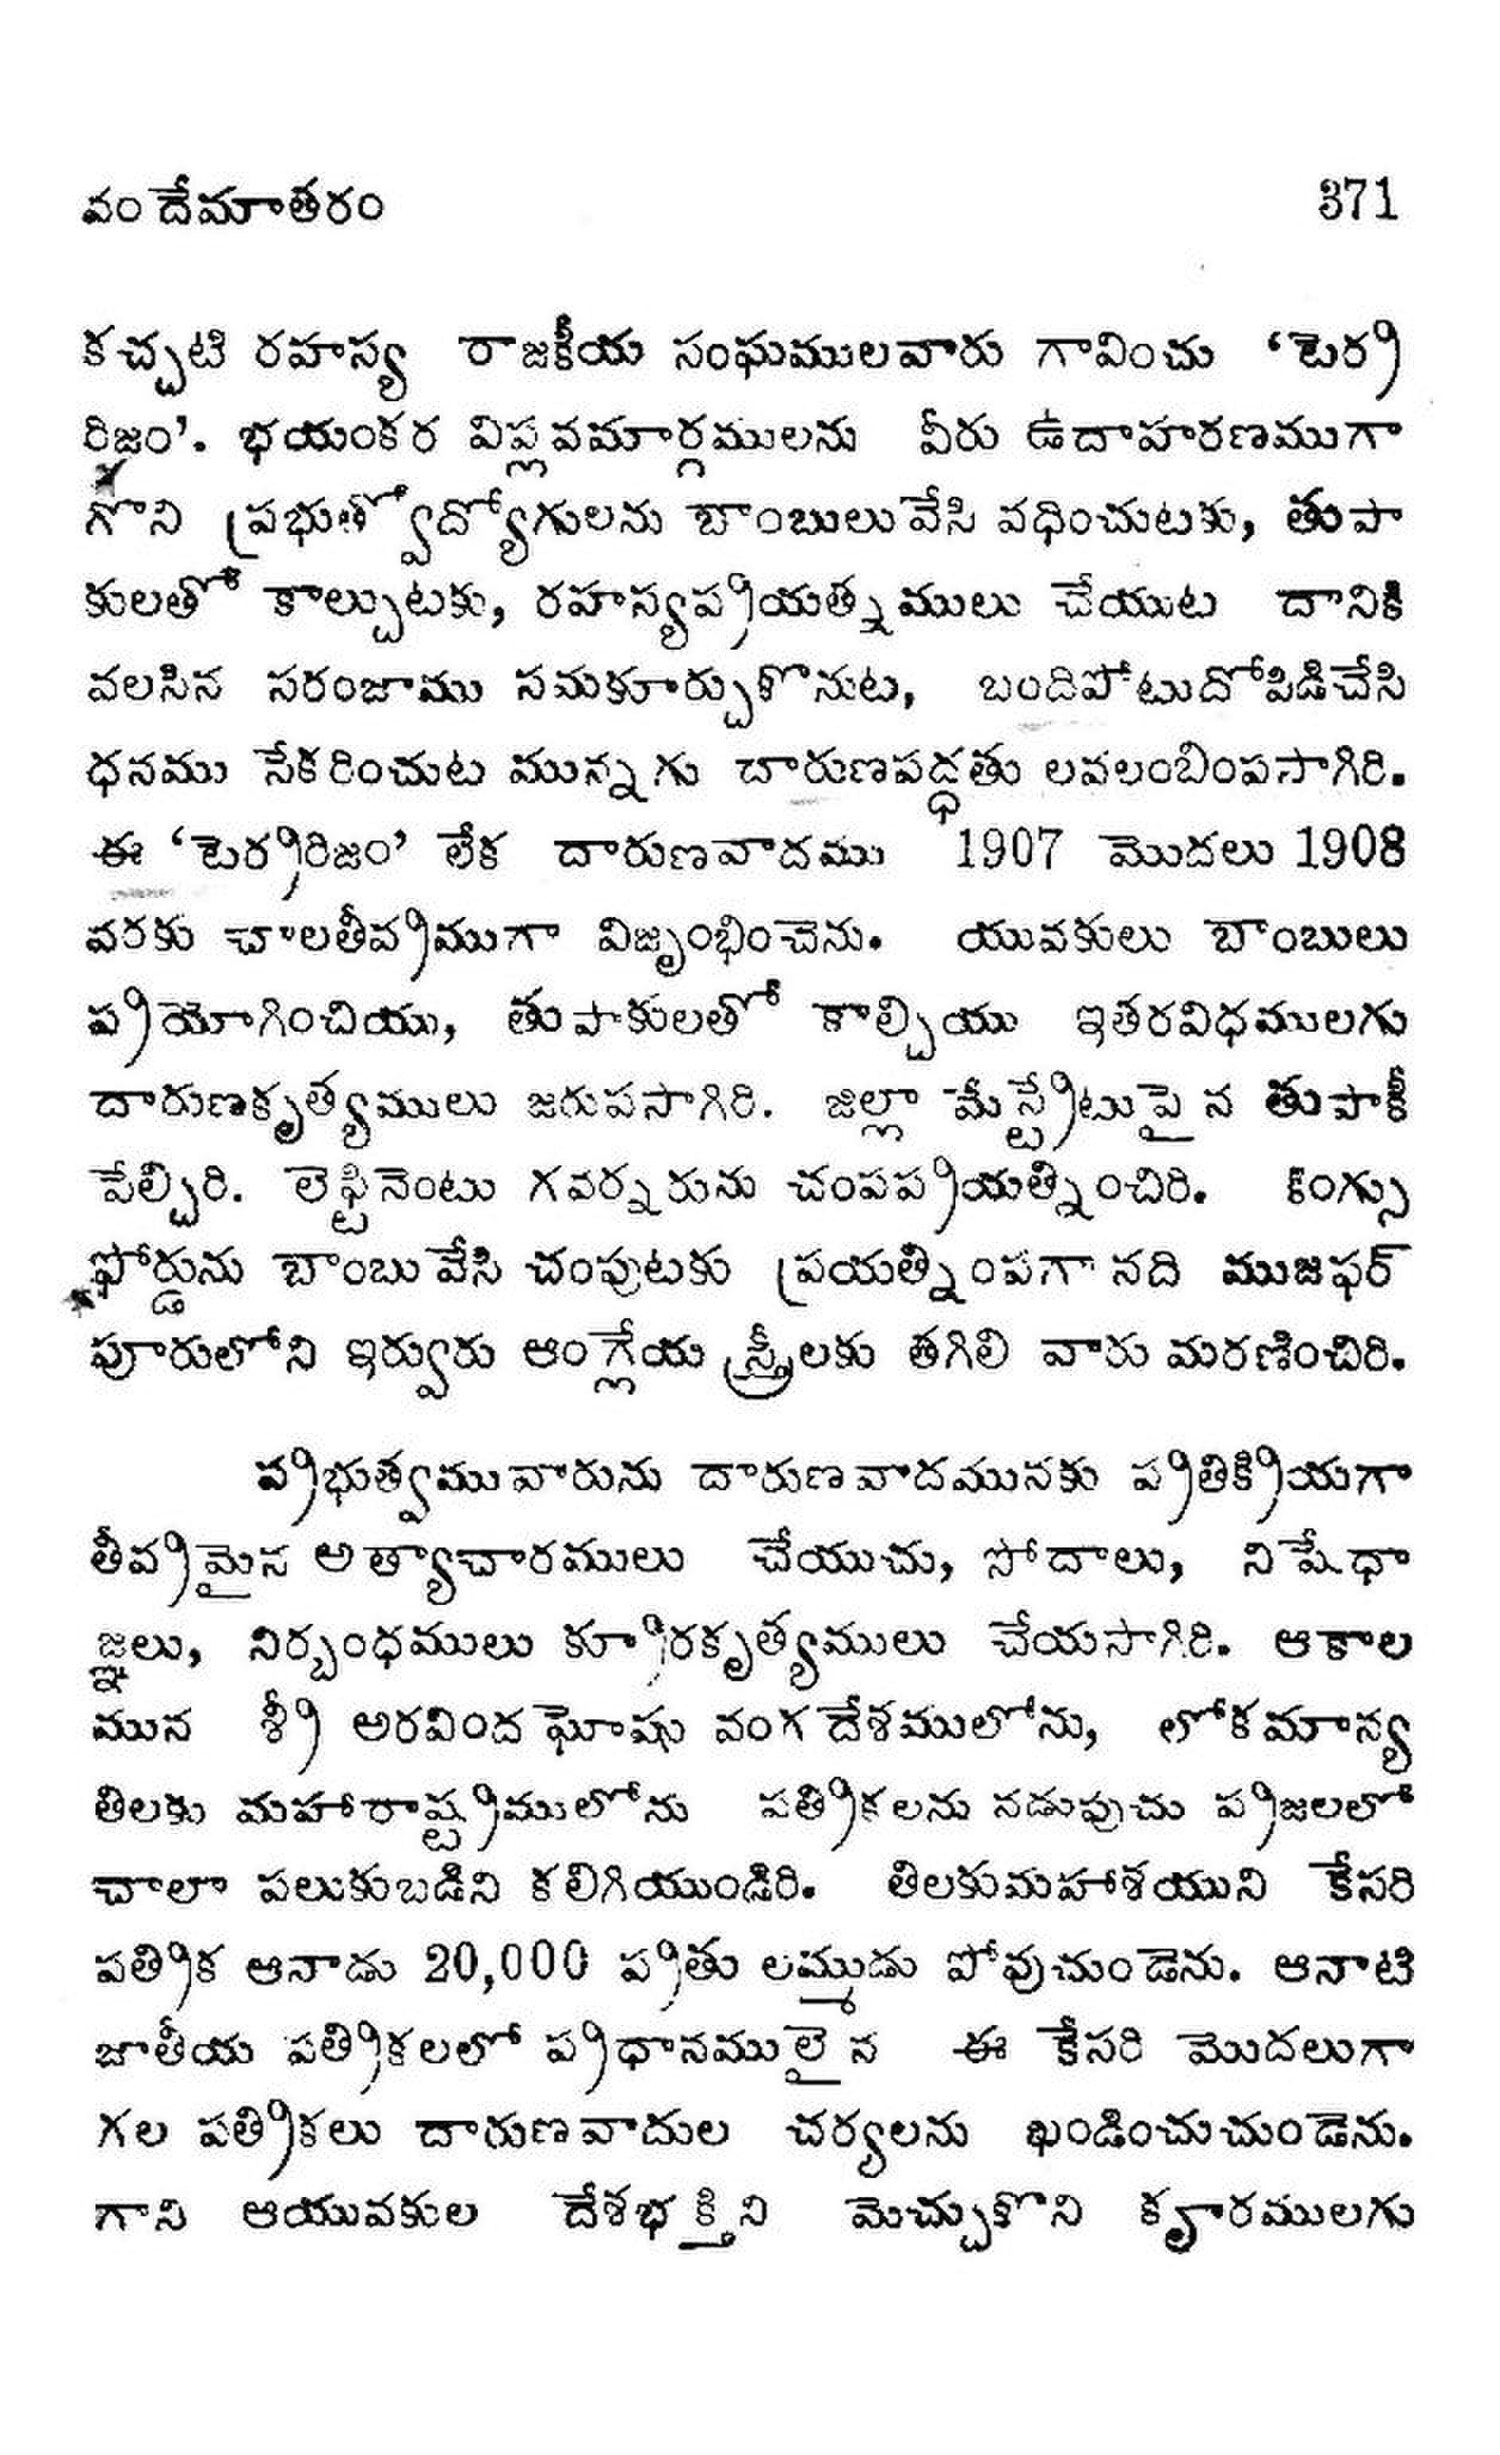కచ్చటి రహస్య రాజకీయ సంఘములవారు గావించు 'టెర్రరిజం'. భయంకర విప్లవమార్గములను వీరు ఉదాహరణముగా గొని ప్రభుత్వోద్యోగులను బాంబులువేసి వధించుటకు, తుపాకులతో కాల్చుటకు, రహస్యప్రయత్నములు చేయుట దానికి వలసిన సరంజాము సమకూర్చుకొనుట, బందిపోటుదోపిడిచేసి ధనము సేకరించుట మున్నగు దారుణపద్ధతు లవలంబింపసాగిరి. ఈ 'టెర్రరిజం' లేక దారుణవాదము 1907 మొదలు 1908 వరకు చాలతీవ్రముగా విజృంభించెను. యువకులు బాంబులు ప్రయోగించియు, తుపాకులతో కాల్చియు ఇతరవిధములగు దారుణకృత్యములు జరుపసాగిరి. జిల్లా మేస్ట్రేటుపైన తుపాకీ పేల్చిరి. లెఫ్టినెంటు గవర్నరును చంపప్రయత్నించిరి. కింగ్సు ఫోర్డును బాంబువేసి చంపుటకు ప్రయత్నింపగా నది ముజఫర్ పూరులోని ఇర్వురు ఆంగ్లేయ స్త్రీలకు తగిలి వారు మరణించిరి.

ప్రభుత్వమువారును దారుణవాదమునకు ప్రతిక్రియగా తీవ్రమైన అత్యాచారములు చేయుచు, సోదాలు, నిషేధాజ్ఞలు, నిర్బంధములు క్రూరకృత్యములు చేయసాగిరి. ఆకాలమున శ్రీ అరవిందఘోషు వంగదేశములోను, లోకమాన్యతిలకు మహారాష్ట్రములోను పత్రికలను నడుపుచు ప్రజలలో చాలా పలుకుబడిని కలిగియుండిరి. తిలకుమహాశయుని కేసరి పత్రిక ఆనాడు 20,000 ప్రతు లమ్ముడు పోవుచుండెను. ఆనాటి జాతీయ పత్రికలలో ప్రధానములైన ఈ కేసరి మొదలుగా గల పత్రికలు దారుణవాదుల చర్యలను ఖండించుచుండెను. గాని ఆయువకుల దేశభక్తిని మెచ్చుకొని కౄరములగు